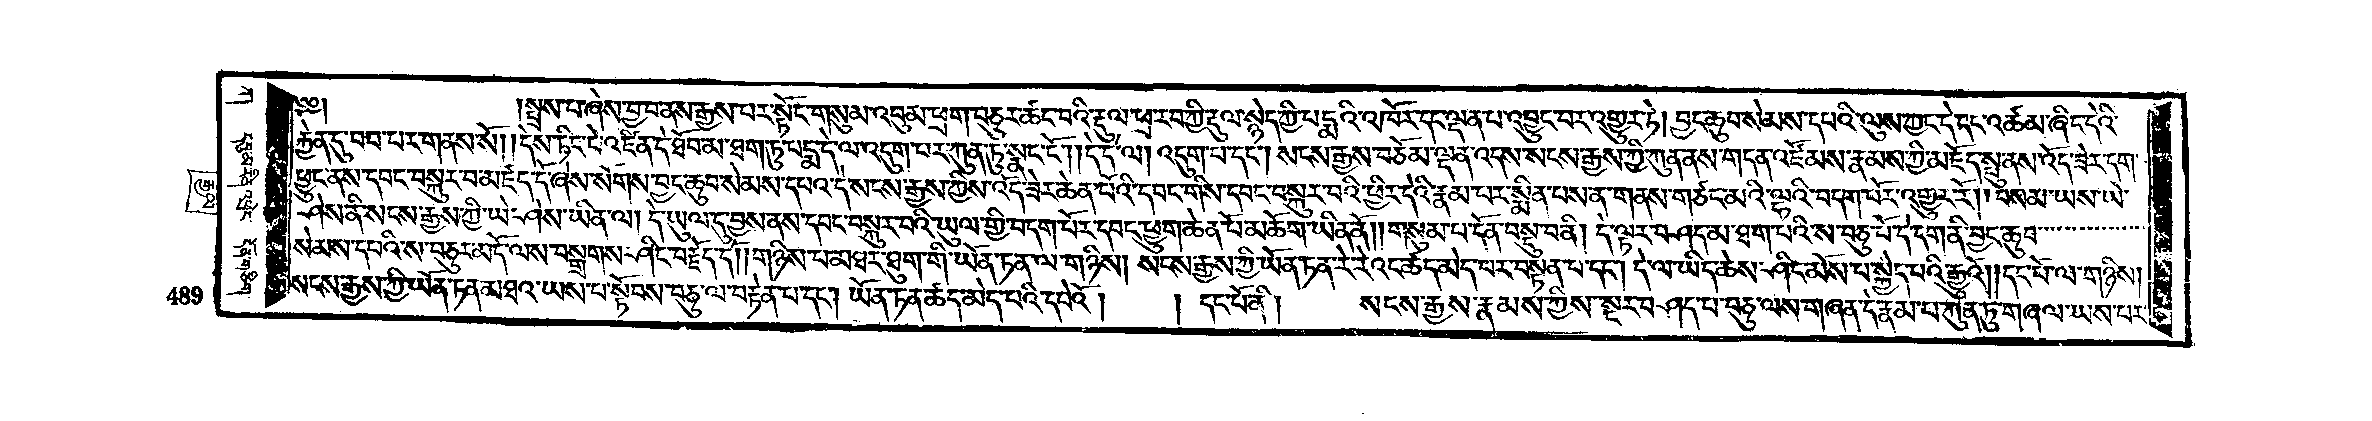༄༅། །སྤྲས་པ་ཞེས་བྱ་བ་ནས་རྒྱས་པར་སྟོང་གསུམ་འབུམ་ཕྲག་བཅུར་ཚང་བའི་རྡུལ་ཕྲ་རབ་ཀྱི་རྡུལ་སྙེད་ཀྱི་པདམའི་འཁོར་དང་ལྡན་པ་འབྱུང་བར་འགྱུར་ཏེ། བྱང་ཆུབ་སེམས་དཔའི་ལུས་ཀྱང་དེ་དང་འཚམ་ཞིང་དེའི་
རྐྱེན་དུ་བབ་པར་གནས་སོ། །དེས་ཏིང་ངེ་འཛིན་དེ་ཐོབ་མ་ཐག་ཏུ་པདམ་དེ་ལ་འདུག་པར་ཀུན་ཏུ་སྣང་ངོ། །དེ་དེ་ལ། འདུག་པ་དང་། སངས་རྒྱས་བཅོམ་ལྡན་འདས་སངས་རྒྱས་ཀྱི་ཀུན་ནས་གདན་འཛོམས་རྣམས་ཀྱི་མཇོད་སྤུ་ནས་འོད་ཟེར་དག་
ཕྱུང་ནས་དབང་བསྐུར་བ་མཛད་དོ་ཞེས་སོགས་བྱང་ཆུབ་སེམས་དཔའ་དེ་སངས་རྒྱས་ཀྱིས་འོད་ཟེར་ཆེན་པོའི་དབང་གིས་དབང་བསྐུར་བའི་ཕྱིར་དེའི་རྣམ་པར་སྨིན་པས་ན་གནས་གཙང་མའི་ལྷའི་བདག་པོར་འགྱུར་རོ། །བསམ་ཡས་ཡེ་
ཤེས་ནི་སངས་རྒྱས་ཀྱི་ཡེ་ཤེས་ཡིན་ལ། དེ་ཡུལ་དུ་བྱས་ནས་དབང་བསྐུར་བའི་ཡུལ་གྱི་བདག་པོར་དབང་ཕྱུག་ཆེན་པོ་མཆོག་ཡིན་ནོ། །གསུམ་པ་དོན་བསྡུ་བ་ནི། དེ་ལྟར་བཤད་མ་ཐག་པའི་ས་བཅུ་པོ་དེ་དག་ནི་བྱང་ཆུབ་
སེམས་དཔའི་ས་བཅུར་མདོ་ལས་བསྒྲགས་ཤིང་བརྗོད་དོ། །གཉིས་པ་མཐར་ཐུག་གི་ཡོན་ཏན་ལ་གཉིས། སངས་རྒྱས་ཀྱི་ཡོན་ཏན་རེ་རེའང་ཚད་མེད་པར་བསྟན་པ་དང་། དེ་ལ་ཡིད་ཆེས་ཤིང་མོས་པ་སྐྱེད་པའི་རྒྱུའོ། །དང་པོ་ལ་གཉིས།
སངས་རྒྱས་ཀྱི་ཡོན་ཏན་མཐའ་ཡས་པ་སྟོབས་བཅུ་ལ་བརྟེན་པ་དང་། ཡོན་ཏན་ཚད་མེད་པའི་དཔེའོ། །དང་པོ་ནི། སངས་རྒྱས་རྣམས་ཀྱིས་སྔར་བཤད་པ་བཅུ་ལས་གཞན་དེ་རྣམ་པ་ཀུན་ཏུ་གཞལ་ཡས་པར་